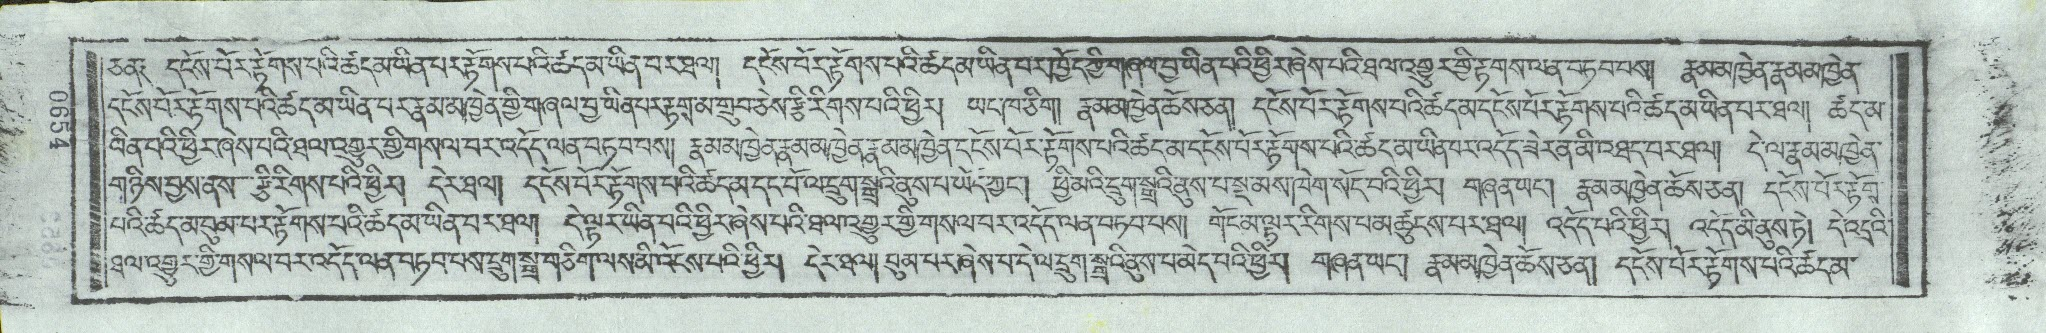ཅན༑ དངོས་པོར་རྟོགས་པའི་ཚད་མ་ཡིན་པར་རྟོགས་པའི་ཚད་མ་ཡིན་པར་ཐལ། དངོས་པོར་རྟོགས་པའི་ཚད་མ་ཡིན་པར་ཁྱོད་ཀྱི་གཞལ་བྱ་ཡིན་པའི་ཕྱིར་ཞེས་པའི་ཐལ་འགྱུར་གྱི་རྟགས་ལན་བཏབ་པས། རྣམ་མཁྱེན་རྣམ་མཁྱེན་
དངོས་པོར་རྟོགས་པའི་ཚད་མ་ཡིན་པར་རྣམ་མཁྱེན་གྱི་གཞལ་བྱ་ཡིན་པར་རྟགས་མ་གྲུབ་ཅེས་རྩི་རིགས་པའི་ཕྱིར། ཡང་ཁ་ཅིག། རྣམ་མཁྱེན་ཆོས་ཅན། དངོས་པོར་རྟོགས་པའི་ཚད་མ་དངོས་པོར་རྟོགས་པའི་ཚད་མ་ཡིན་པར་ཐལ། ཚད་མ་
ཡིན་པའི་ཕྱིར་ཞེས་པའི་ཐལ་འགྱུར་གྱི་གསལ་བར་འདོད་ལན་བཏབ་པས། རྣམ་མཁྱེན་རྣམ་མཁྱེན་རྣམ་མཁྱེན་དངོས་པོར་རྟོགས་པའི་ཚད་མ་དངོས་པོར་རྟོགས་པའི་ཚད་མ་ཡིན་པར་འདོད་ཟེར་ན་མི་འཐད་བར་ཐལ། དེ་ལ་རྣམ་མཁྱེན་
གཉིས་བྱས་ནས་རྩི་རིགས་པའི་ཕྱིར། དེར་ཐལ། དངོས་པོར་རྟོགས་པའི་ཚད་མ་དང་པོ་ལ་དྲུག་སྒྲའི་ནུས་པ་ཡོད་ཀྱང་། ཕྱི་མའི་དྲུག་སྒྲའི་ནུས་པ་སྔ་མས་ཁེག་སོང་བའི་ཕྱིར། གཞན་ཡང་། རྣམ་མཁྱེན་ཆོས་ཅན། དངོས་པོར་རྟོགས་
པའི་ཚད་མ་བུམ་པར་རྟོགས་པའི་ཚད་མ་ཡིན་པར་ཐལ། དེ་ལྟར་ཡིན་པའི་ཕྱིར་ཞེས་པའི་ཐལ་འགྱུར་གྱི་གསལ་བར་འདོད་ལན་བཏབ་པས། གོང་མ་ལྟར་རིགས་པ་མཚུངས་པར་ཐལ། འདོད་པའི་ཕྱིར། འདོད་མི་ནུས་ཏེ། དེ་འདྲའི་
ཐལ་འགྱུར་གྱི་གསལ་བར་འདོད་ལན་བཏབ་བས་དྲུག་སྒྲ་གཅིག་ལས་མི་འོངས་པའི་ཕྱིར། དེར་ཐལ། བུམ་པར་ཞེས་པ་དེ་ལ་དྲུག་སྒྲའི་ནུས་པ་མེད་པའི་ཕྱིར། གཞན་ཡང་། རྣམ་མཁྱེན་ཆོས་ཅན། དངོས་པོར་རྟོགས་པའི་ཚད་མ་